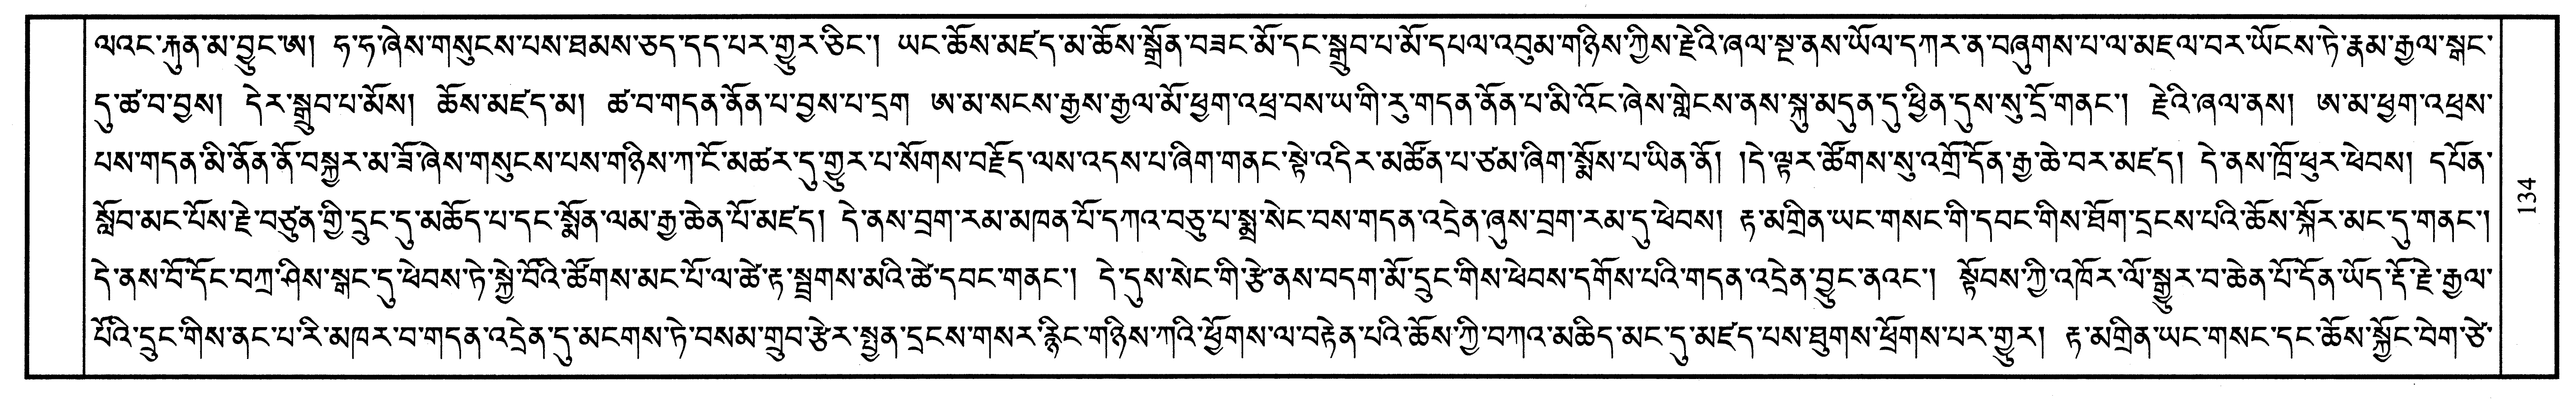ལའང་རྐུན་མ་བྱུང་ཨ། ཧ་ཧ་ཞེས་གསུངས་པས་ཐམས་ཅད་དད་པར་གྱུར་ཅིང་། ཡང་ཆོས་མཛད་མ་ཆོས་སྒྲོན་བཟང་མོ་དང་སྒྲུབ་པ་མོ་དཔལ་འབུམ་གཉིས་ཀྱིས་རྗེའི་ཞལ་སྔ་ནས་ཡོལ་དཀར་ན་བཞུགས་པ་ལ་མཇལ་བར་ཡོངས་ཏེ་རྣམ་རྒྱལ་སྒང་
དུ་ཚ་བ་བྱས། དེར་སྒྲུབ་པ་མོས། ཆོས་མཛད་མ། ཚ་བ་གདན་ནོན་པ་བྱས་པ་དྲག་ཨ་མ་སངས་རྒྱས་རྒྱལ་མོ་ཕྱག་འཕྲ་བས་ཡ་གི་རུ་གདན་ནོན་པ་མི་འོང་ཞེས་གླེངས་ནས་སྐུ་མདུན་དུ་ཕྱིན་དུས་སུ་དྲོ་གནང་། རྗེའི་ཞལ་ནས། ཨ་མ་ཕྱག་འཕྲས་
པས་གདན་མི་ནོན་ནོ་བསྐྱར་མ་ཟོ་ཞེས་གསུངས་པས་གཉིས་ཀ་ངོ་མཚར་དུ་གྱུར་པ་སོགས་བརྗོད་ལས་འདས་པ་ཞིག་གནང་སྟེ་འདིར་མཚོན་པ་ཙམ་ཞིག་སྨོས་པ་ཡིན་ནོ། །དེ་ལྟར་ཚོགས་སུ་འགྲོ་དོན་རྒྱ་ཆེ་བར་མཛད། དེ་ནས་ཁྲོ་ཕུར་ཕེབས། དཔོན་
སློབ་མང་པོས་རྗེ་བཙུན་གྱི་དྲུང་དུ་མཆོད་པ་དང་སྨོན་ལམ་རྒྱ་ཆེན་པོ་མཛད། དེ་ནས་བྲག་རམ་མཁན་པོ་དཀའ་བཅུ་པ་སྨྲ་སེང་བས་གདན་འདྲེན་ཞུས་བྲག་རམ་དུ་ཕེབས། རྟ་མགྲིན་ཡང་སང་གི་དབང་གིས་ཐོག་དྲངས་པའི་ཆོས་སྐོར་མང་དུ་གནང་།
དེ་ནས་བོ་དོང་བཀྲ་ཤིས་སྒང་དུ་ཕེབས་ཏེ་སྐྱེ་བོའི་ཚོགས་མང་པོ་ལ་ཚེ་རྟ་སྦྲགས་མའི་ཚེ་དབང་གནང་། དེ་དུས་སེང་གི་རྩེ་ནས་བདག་མོ་དྲུང་གིས་ཕེབས་དགོས་པའི་གདན་འདྲེན་བྱུང་ནའང་། སྟོབས་ཀྱི་འཁོར་ལོ་སྒྱུར་བ་ཆེན་པོ་དོན་ཡོད་རྡོ་རྗེ་རྒྱལ་
པོའི་དྲུང་གིས་ནང་པ་རི་མཁར་བ་གདན་འདྲེན་དུ་མངགས་ཏེ་བསམ་གྲུབ་རྩེར་སྤྱན་དྲངས་གསར་རྙིང་གཉིས་ཀའི་ཕྱོགས་ལ་བརྟེན་པའི་ཆོས་ཀྱི་བཀའ་མཆིད་མང་དུ་མཛད་པས་ཐུགས་ཕྲོགས་པར་གྱུར། རྟ་མགྲིན་ཡང་གསང་དང་ཆོས་སྐྱོང་བེག་ཙེ་